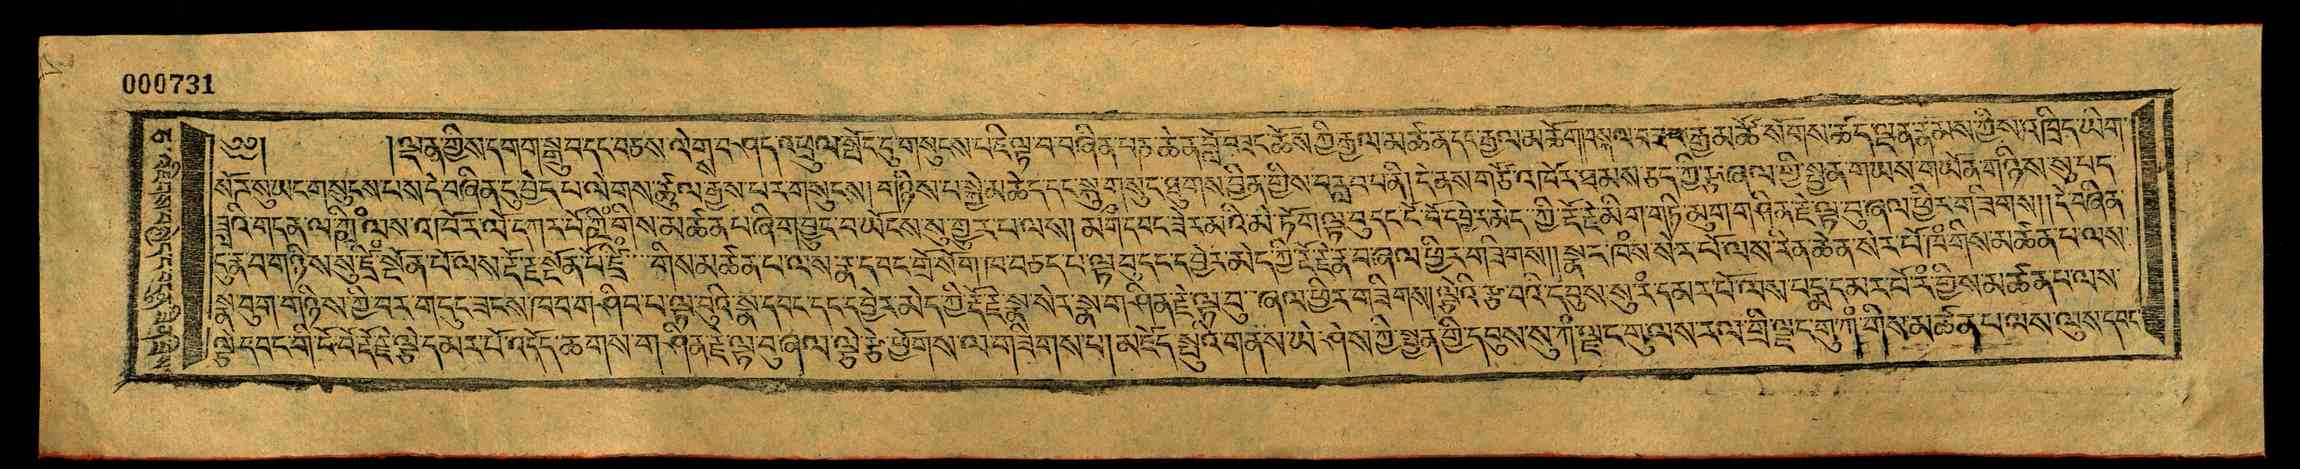༄༅། །ལྡན་གྱིས་དགག་སྒྲུབ་དང་བཅས་ལེགས་བཤད་འཁྲུལ་སྤོང་དུ་གསུངས་པ་ཇི་ལྟ་བ་བཞིན་པཎ་ཆེན་བློ་བཟང་ཆོས་ཀྱི་རྒྱལ་མཚན་དང་རྒྱལ་མཆོག་བསྐལ་བཟང་རྒྱ་མཚོ་སོགས་ཚད་ལྡན་རྣམས་ཀྱིས་འཁྲིད་ཡིག་
སོགས་སུ་ཡང་གསུངས་པས་དེ་བཞིན་དུ་བྱེད་པ་ལེགས་ཚུལ་རྒྱས་པར་གསུངས། གཉིས་པ་སྐྱེ་མཆེད་དང་སྐུ་གསུང་ཐུགས་བྱིན་གྱིས་བརླབ་པ་ནི། དེ་ནས་གཙོ་འཁོར་ཐམས་ཅད་ཀྱི་རྩ་ཞལ་གྱི་སྤྱན་གཡས་གཡོན་གཉིས་སུ་པད་
ཟླའི་གདན་ལ་ཀྵིཾ་ལས་འཁོར་ལོ་དཀར་པོ་ཀྵིཾ་གིས་མཚན་པ་ཞིག་བྱུང་བ་ཡོངས་སུ་གྱུར་པ་ལས། མིག་དབང་ཟར་མའི་མེ་ཏོག་ལྟ་བུ་དང་ངོ་བོ་དབྱེར་མེད་ཀྱི་རྡོ་རྗེ་མིག་གཏི་མུག་གཤིན་རྗེ་ལྟ་བུ་ཞལ་ཕྱིར་གཟིགས༑ དེ་བཞིན་
དུ་རྣ་བ་གཉིས་སུ་ཛྲིཾ་སྔོན་པོ་ལས་རྡོ་རྗེ་སྔོན་པོ་ཛྲིཾ་གིས་མཚན་པ་ལས་རྣ་དབང་གྲོ་སོག་ཁ་བཅད་པ་ལྟ་བུ་དང་དབྱེར་མེད་ཀྱི་རྡོ་རྗེ་རྣ་བ་ཞལ་ཕྱིར་གཟིགས། སྣར་ཁཾ་སེར་པོ་ལས་རིན་ཆེན་སེར་པོ་ཁཾ་གིས་མཚན་པ་ལས་
སྣ་བུག་གཉིས་ཀྱི་བར་གདུང་ཟངས་ཁབ་གཤིབ་པ་ལྟ་བུའི་སྣ་དབང་དང་དབྱེར་མེད་ཀྱི་རྡོ་རྗེ་སྣ་སེར་སྣ་གཤིན་རྗེ་ལྟ་བུ་ཞལ་ཕྱིར་གཟིགས། ལྕེའི་རྩ་བའི་དབུས་སུ་རཾ་དམར་པོ་ལས་པདམ་དམར་པོ་རཾ་གྱིས་མཚན་པ་ལས་
ལྕེ་དབང་གི་ངོ་བོ་རྡོ་རྗེ་ལྕེ་དམར་པོ་འདོད་ཆགས་གཤིན་རྗེ་ལྟ་བུ་ཞལ་ལྕེ་རྩེ་ཕྱོགས་ལ་གཟིགས་པ། མཛོད་སྤུའི་གནས་ཡེ་ཤེས་ཀྱི་གྱི་དབུས་སུ་ཀཾ་ལྗང་གུ་ལས་རལ་གྲི་ལྗང་གུ་ཀཾ་གིས་མཚན་པ་ལས་ལུས་དབང་